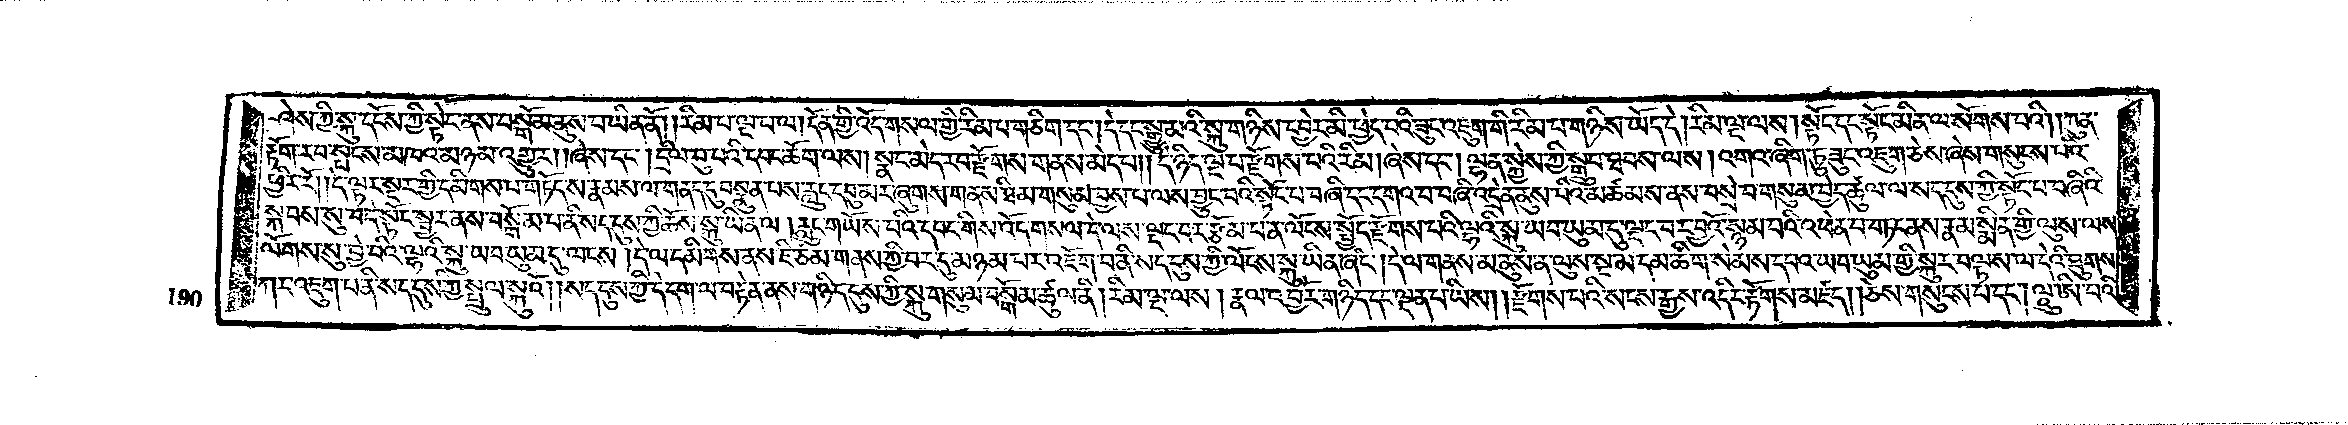ཤེས་ཀྱི་སྐུ་དངོས་ཀྱི་སྟེང་ནས་བསྒོམ་ནུས་པ་ཡིན་ནོ། །རིམ་པ་ལྔ་པ་ལ། དོན་གྱི་འོད་གསལ་གྱི་རིམ་པ་གཅིག་དང་། དེ་དང་སྒྱུ་མའི་སྐུ་གཉིས་དབྱེར་མི་ཕྱེད་པའི་ཟུང་འཇུག་གི་རིམ་པ་གཉིས་ཡོད་དེ། རིམ་ལྔ་ལས། སྟོང་དང་སྟོང་མིན་ལ་སོགས་པའི། །ཀུན་
རྟོག་རབ་སྤངས་མཁའ་མཉམ་འགྱུར། །ཞེས་དང་། དྲིལ་བུ་པའི་དབང་ཆོག་ལས། སྣང་མེད་རབ་རྫོགས་གནས་མེད་པ། །དེ་ཉིད་ལྔ་པ་རྫོགས་པའི་རིམ། ཞེས་དང་། ལྷན་སྐྱེས་ཀྱི་སྒྲུབ་ཐབས་ལས། འགའ་ཞིག་ཏུ་ཟུང་འཇུག་ཅེས་ཞེས་གསུངས་པའི་
ཕྱིར་རོ། །དེ་ལྟར་སྔར་གྱི་དམིགས་པ་གཏོད་ས་རྣམས་ལ་གནད་དུ་བསྣུན་པས་རླུང་དབུ་མར་ཞུགས་གནས་ཐིམ་གསུམ་བྱས་པ་ལས་བྱུང་བའི་སྟོང་པ་བཞི་དང་དགའ་བ་བཞི་འདྲེན་ནུས་པའི་མཚམས་ནས་བསྲེ་བ་གསུམ་བྱེད་ཚུལ་ལ་སད་དུས་ཀྱི་སྟོང་པ་བཞིའི་
སྐབས་སུ་བདེ་སྟོང་སྦྱར་ནས་བསྒོམ་པ་ནི་སད་དུས་ཀྱི་ཆོས་སྐུ་ཡིན་ལ། རླུང་གཡོས་པའི་དབང་གིས་འོད་གསལ་དེ་ལས་ལྡང་བར་རྩོམ་པ་ན་ལོངས་སྤྱོད་རྫོགས་པའི་ལྷའི་སྐུ་ཡབ་ཡུམ་དུ་ལྡང་བར་བྱའོ་སྙམ་པའི་འཕེན་པ་བཏང་ནས་རྣམ་སྨིན་གྱི་ལུས་ལས་
ལོགས་སུ་བྱེ་བའི་ལྷའི་སྐུ་ཡབ་ཡུམ་དུ་ལངས། དེ་ལ་དམིགས་ནས་ཇི་ཙམ་གནས་ཀྱི་བར་དུ་མཉམ་པར་འཇོག་པ་ནི་སད་དུས་ཀྱི་ལོངས་སྐུ་ཡིན་ཞིང་། དེ་ལ་གནས་མ་ནུས་ན་ལུས་སྔ་མ་དམ་ཚིག་སེམས་དཔའ་ཡབ་ཡུམ་གྱི་སྐུར་བལྟས་ལ་དེའི་ཐུགས་
ཀར་འཇུག་པ་ནི་སད་དུས་ཀྱི་སྤྲུལ་སྐུའོ། །སད་དུས་ཀྱི་དེ་དག་ལ་བརྟེན་ནས་གཉིད་དུས་ཀྱི་སྐུ་གསུམ་བསྒོམ་ཚུལ་ནི། རིམ་ལྔ་ལས། རྣལ་འབྱོར་གཉིད་དང་ལྡན་པ་ཡིས། །རྫོགས་པའི་སངས་རྒྱས་འདིར་རྟོགས་མཛད། །ཅེས་གསུངས་པ་དང་། ལཱུ་ཨི་པའི་